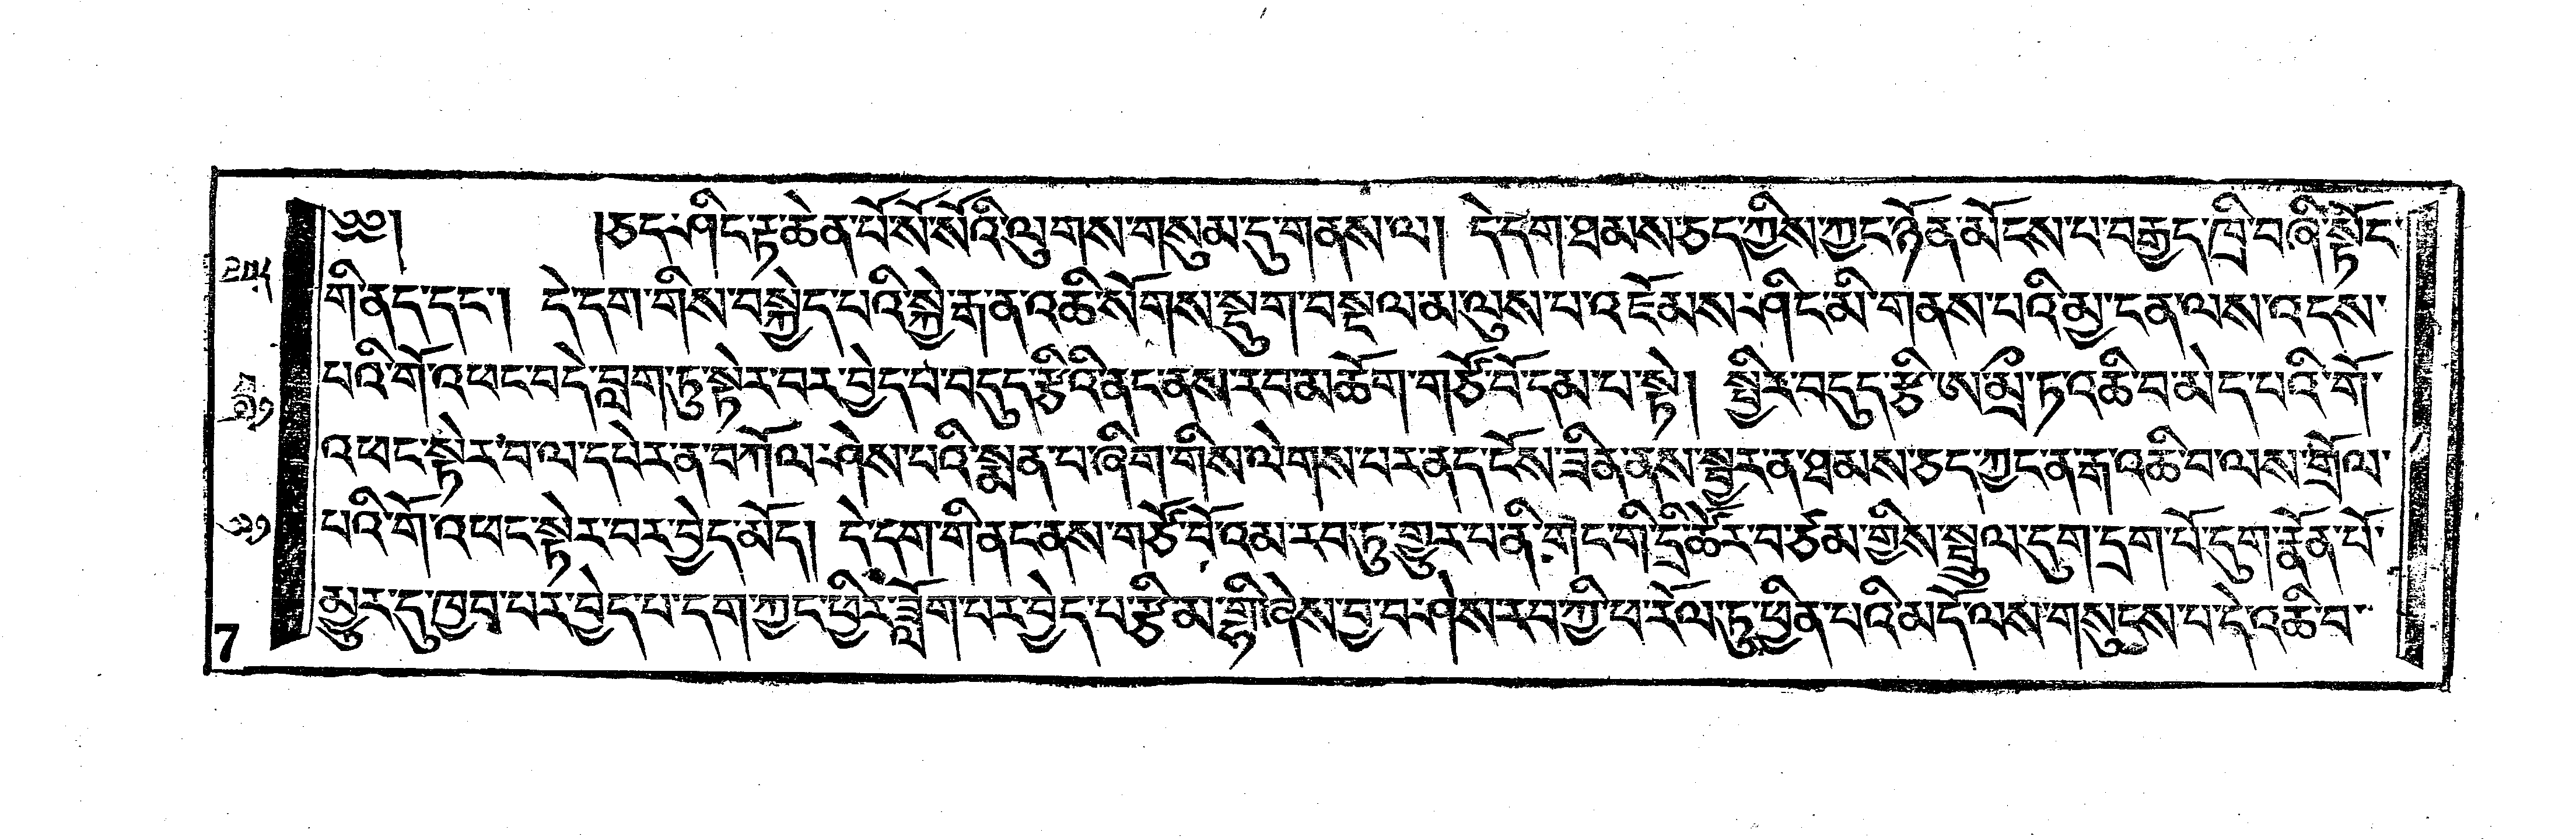༄༅། །ཅད་ཤིང་རྟ་ཆེན་པོ་སོ་སོའི་ལུགས་གསུམ་དུ་གནས་ལ། དེ་དག་ཐམས་ཅད་ཀྱིས་ཀྱང་ཉོན་མོངས་པ་བརྒྱད་ཁྲི་བཞི་སྟོང་
གི་ནད་དང་། དེ་དག་གིས་བསྐྱེད་པའི་སྐྱེ་རྒ་ན་འཆི་སོགས་སྡུག་བསྔལ་མ་ལུས་པ་འཇོམས་ཤིང་མི་གནས་པའི་མྱ་ངན་ལས་འདས་
པའི་གོ་འཕང་བདེ་བླག་ཏུ་སྟེར་བར་བྱེད་པ་བདུད་རྩིའི་ནང་ནས་རབ་མཆོག་གཙོ་བོ་དམ་པ་སྟེ། སྤྱིར་བདུད་རྩི་ཨ་མྲྀ་ཏ་འཆི་བ་མེད་པའི་གོ་
འཕང་སྟེར་བ་ལ་དཔེར་ན་བཀོལ་ཤེས་པའི་སྨན་པ་ཞིག་གིས་ལེགས་པར་ནད་ངོས་ཟིན་ནས་སྦྱར་ན་ཐམས་ཅད་ཀྱང་ན་རྒ་འཆི་བ་ལས་གྲོལ་
པའི་གོ་འཕང་སྟེར་བར་བྱེད་མོད། དེ་དག་གི་ནང་ནས་གཙོ་བོ་འམ་རབ་ཏུ་གྱུར་པ་ནི་གང་གི་དྲི་ཚོར་བ་ཙམ་གྱིས་སྤྲུལ་དུག་དྲག་པོ་དུག་རྣོན་པོ་
མྱུར་དུ་ཁྱབ་པར་བྱེད་པ་དག་ཀྱང་ཕྱིར་ཟློག་པར་བྱེད་པ་རྩི་མ་གྷི་ཞེས་བྱ་བ་ཤེས་རབ་ཀྱི་ཕ་རོལ་ཏུ་ཕྱིན་པའི་མདོ་ལས་གསུངས་པ་དེ་འཆི་བ་